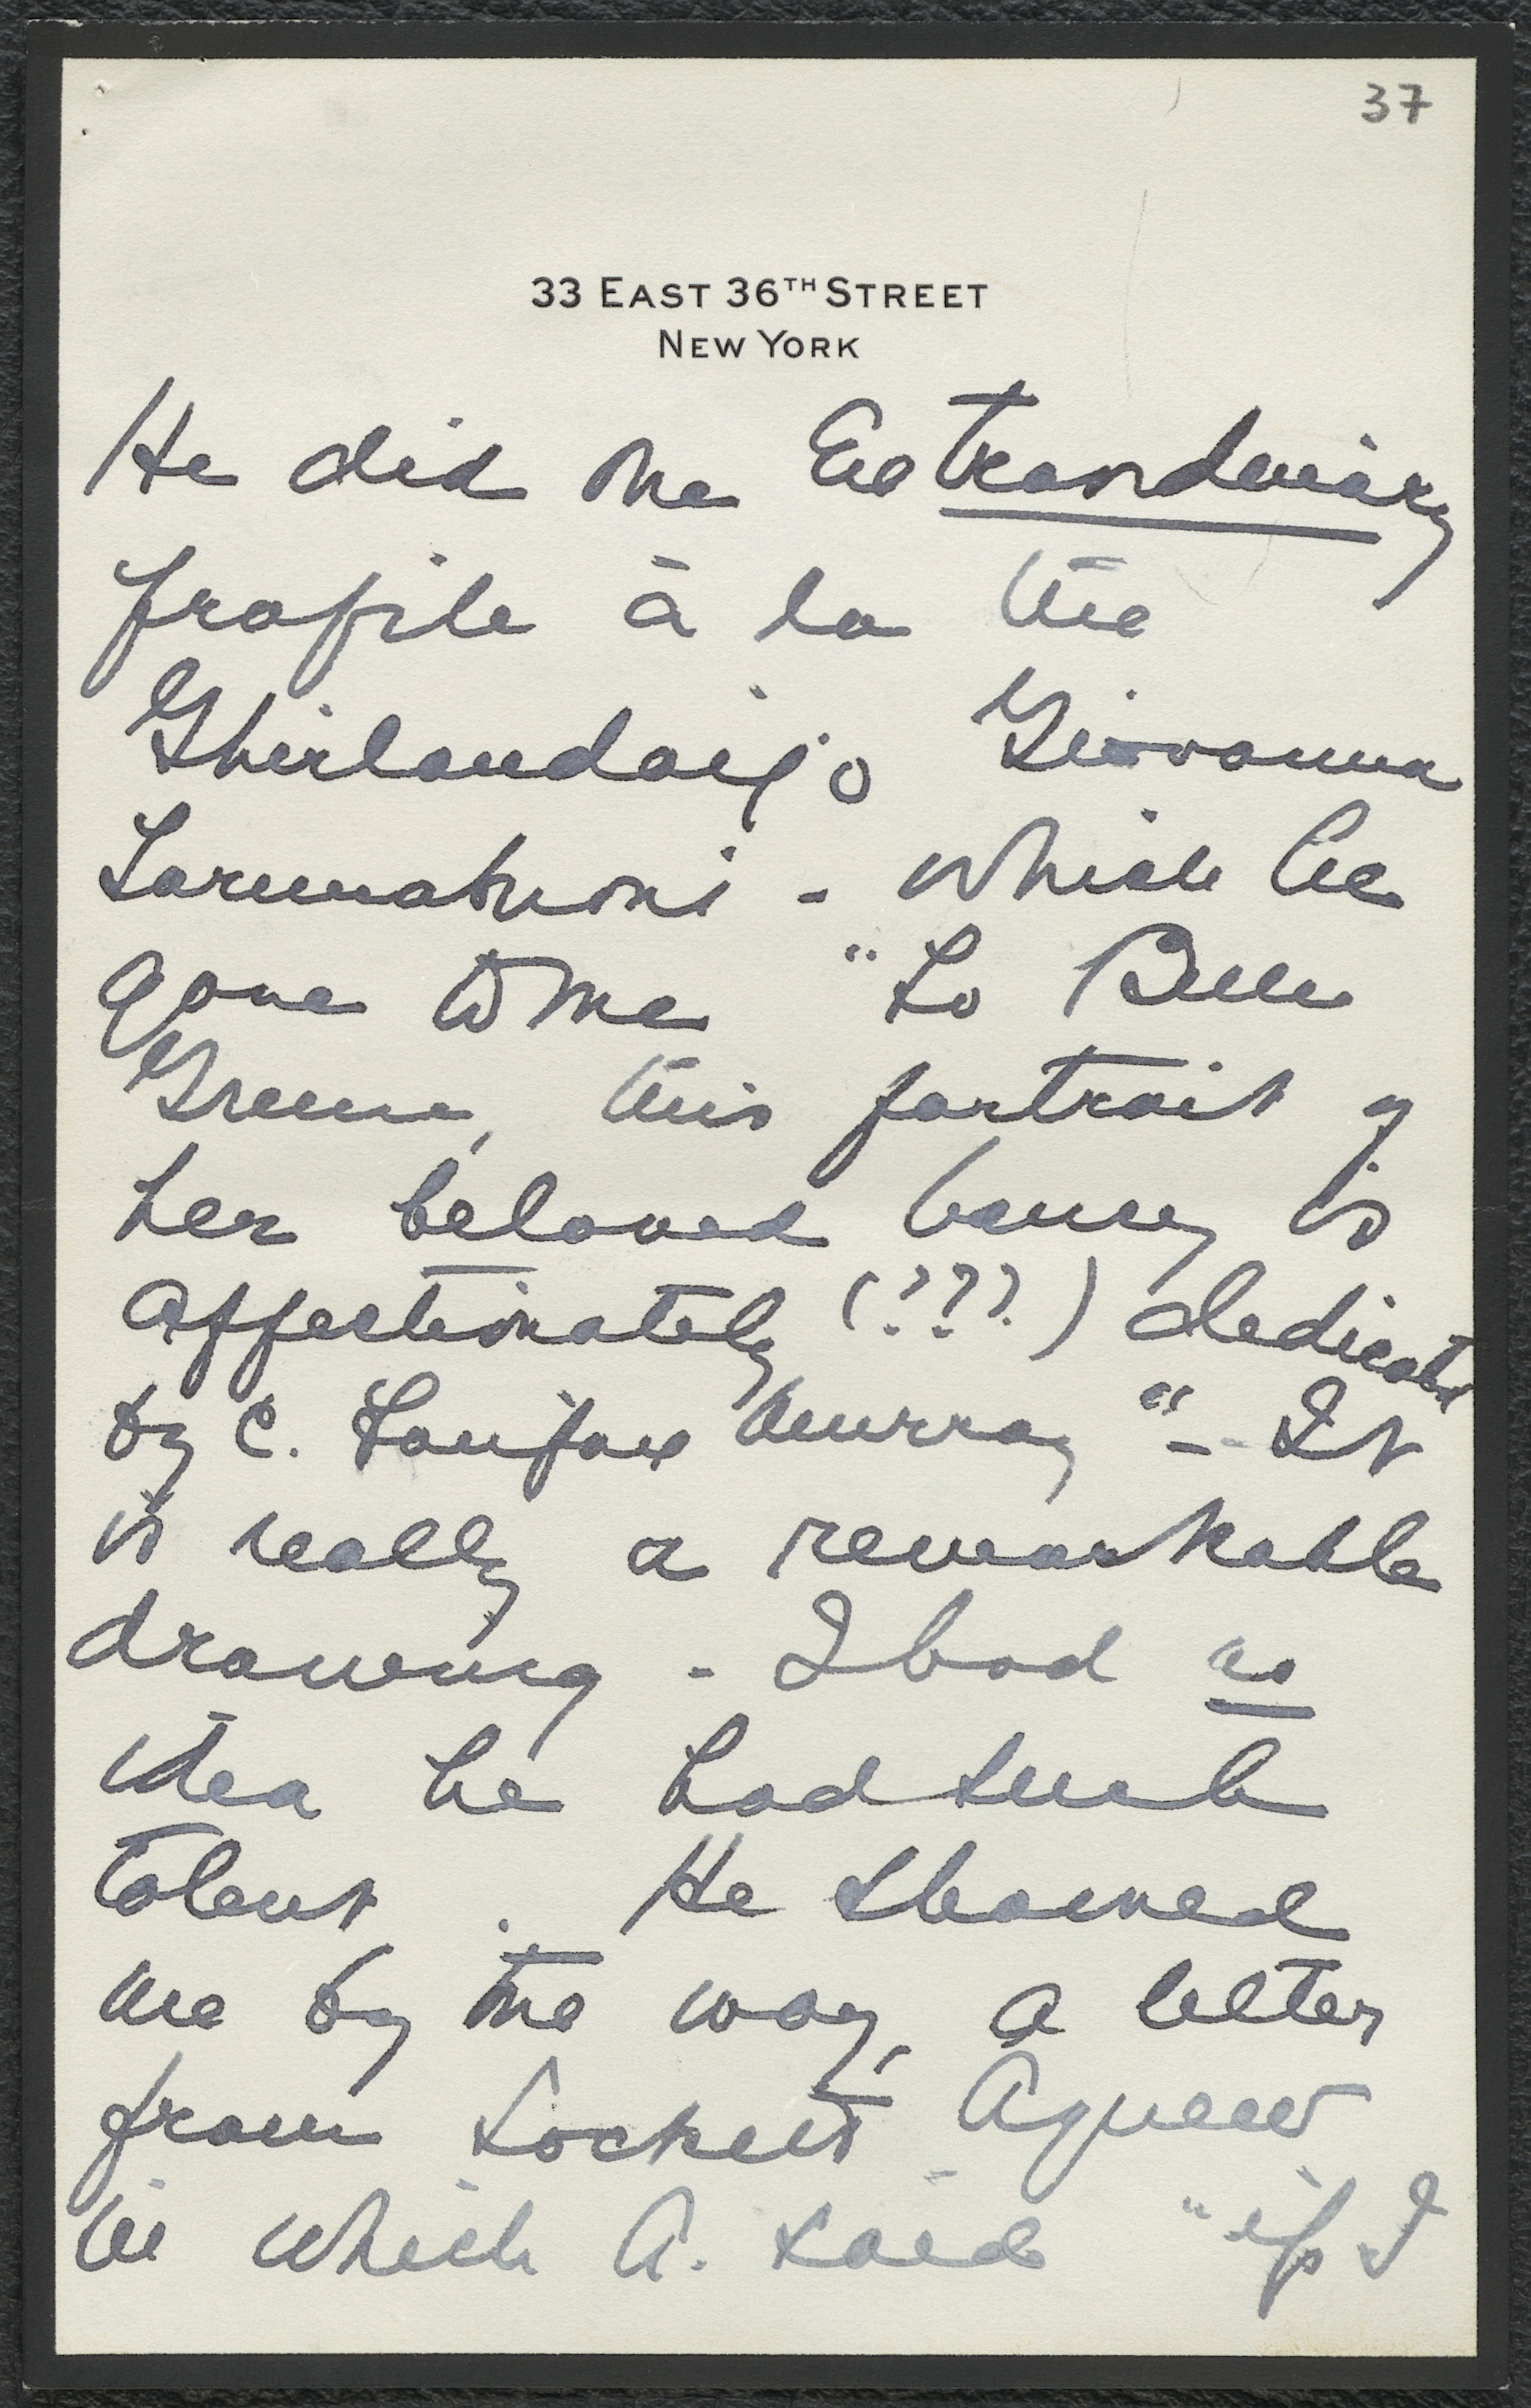He did one extraordinary profile à la the Ghirlandaio Giovanna Tornabuoni – which he gave to me “So Belle Greene, this portrait of her beloved Nancy is affectionately (???) dedicated by C. Fairfax Murray” – It is really a remarkable drawing – I had no idea he had such talent. He showed me by the way, a letter from Lockett Agnew in which A. said “if I